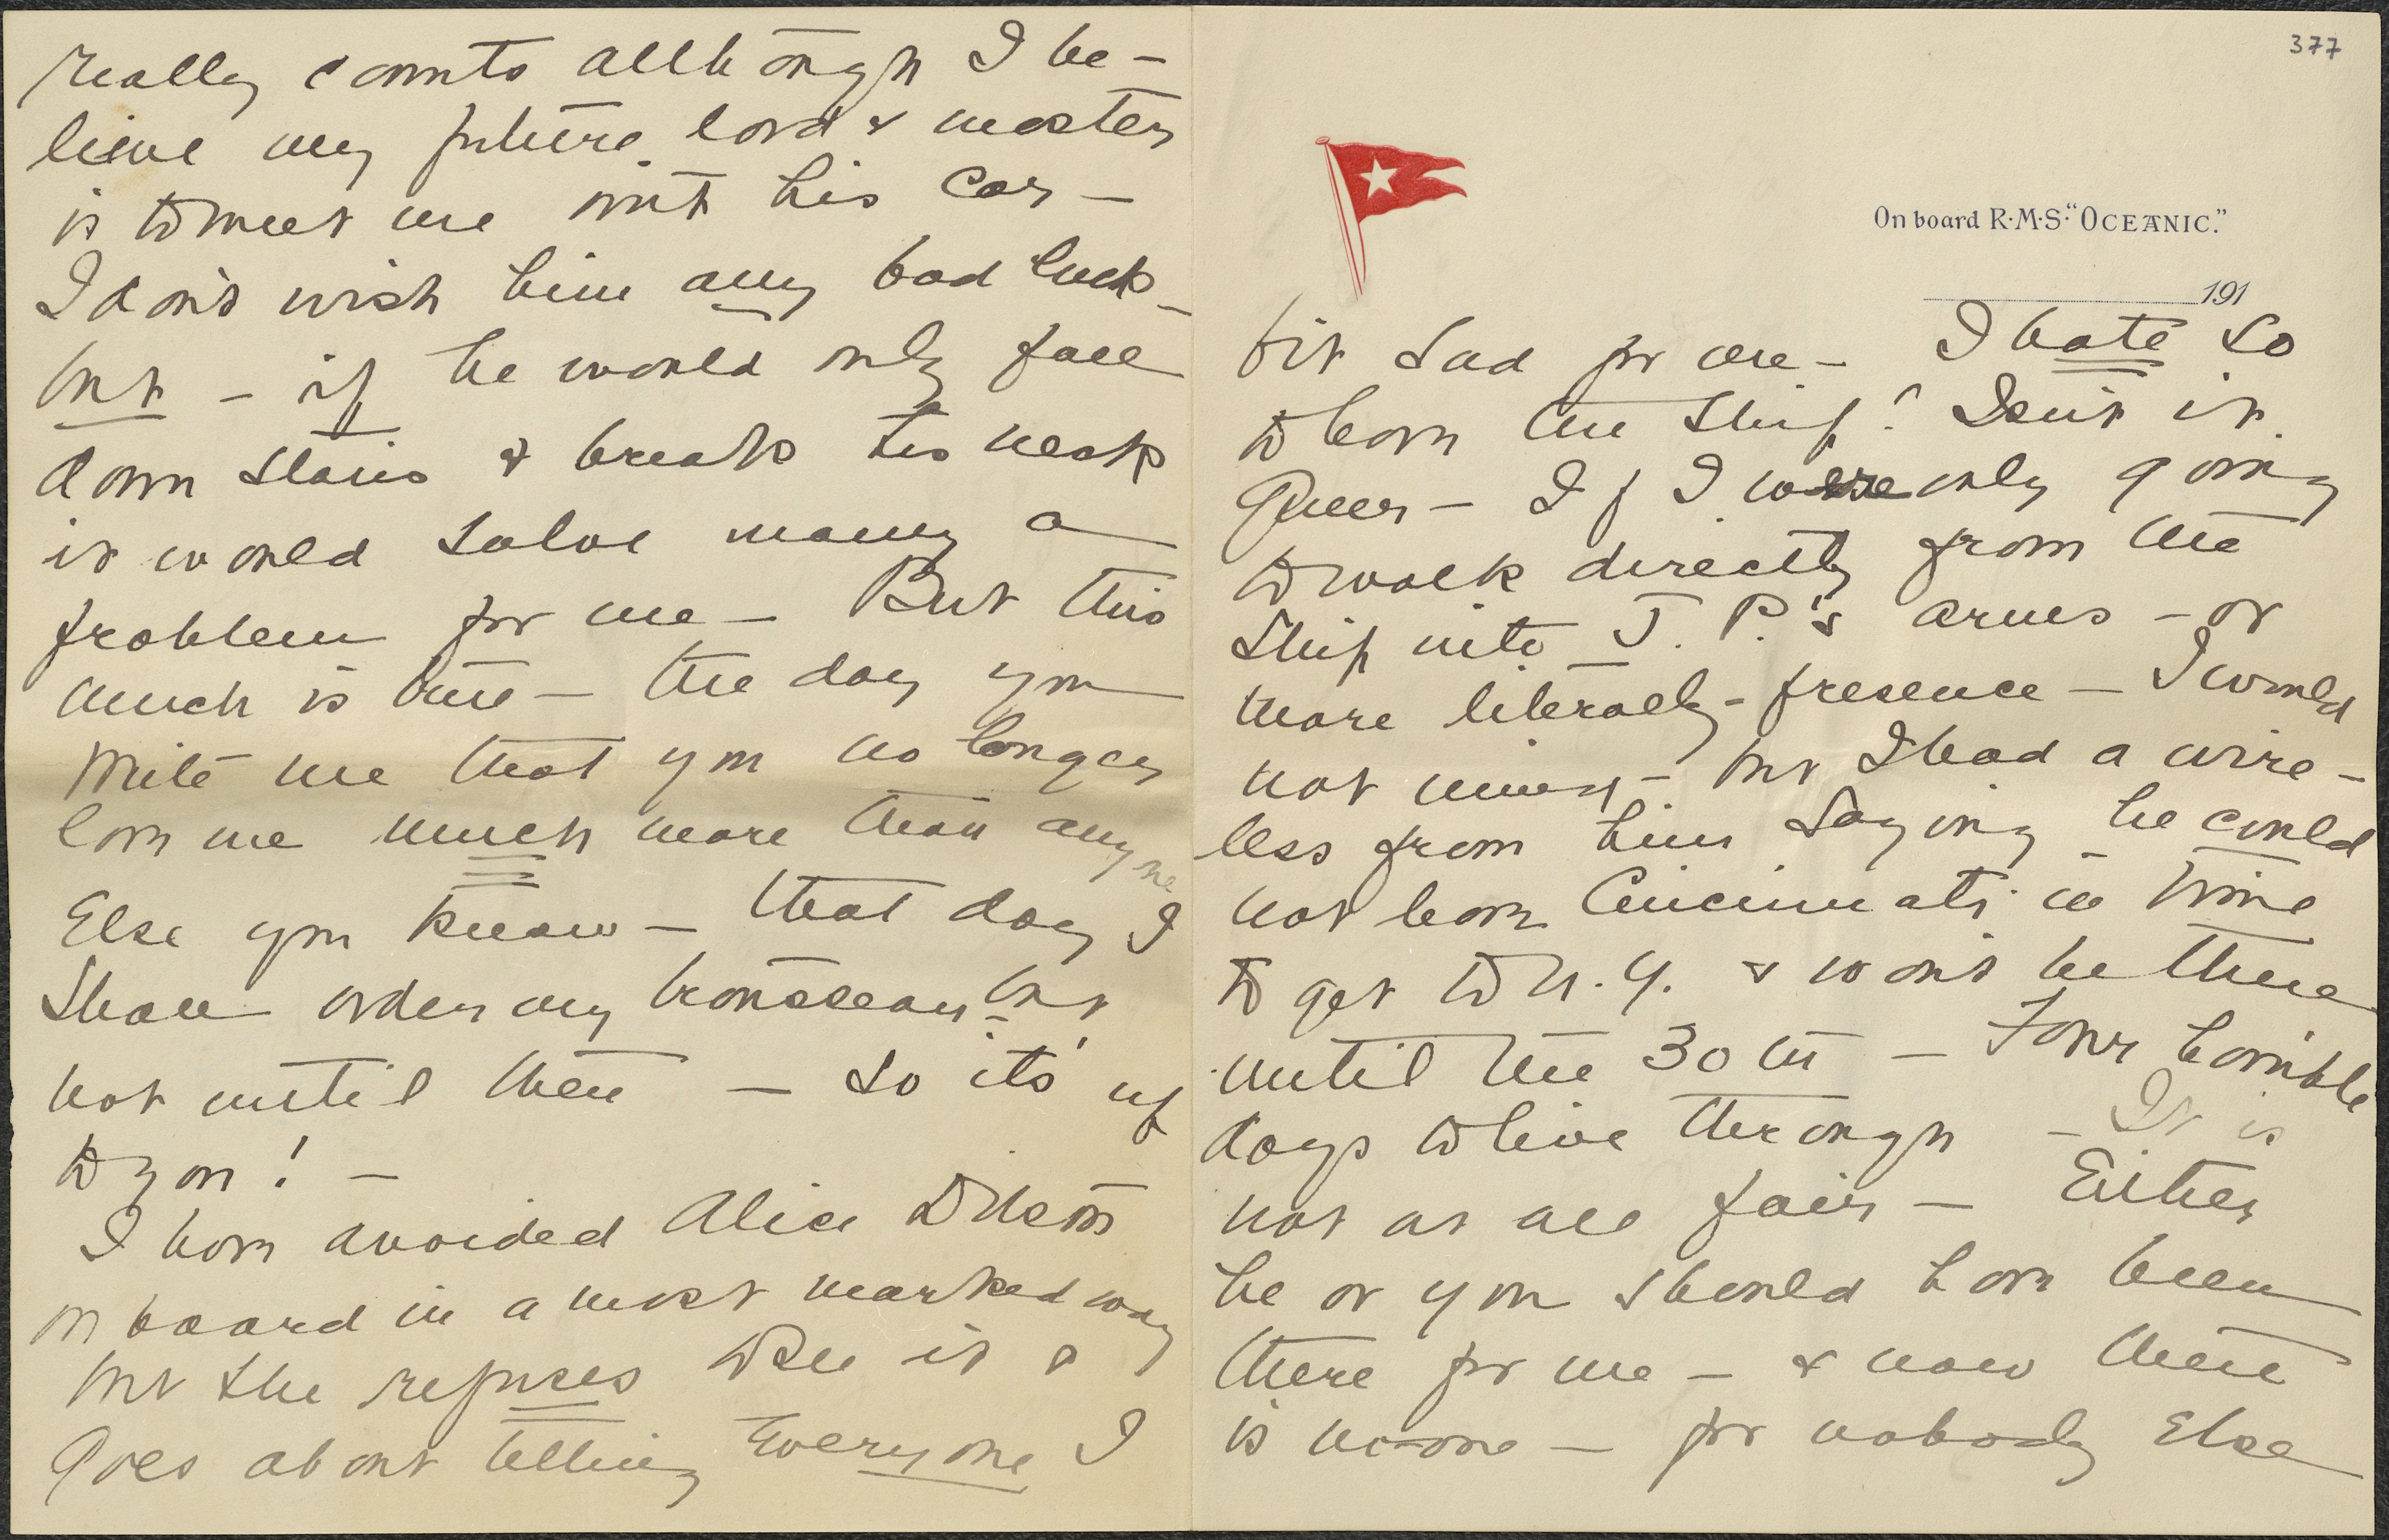bit sad for me – I [double underlined: hate] so to leave the ship! Isn’t it queer – If I wasere only going to walk directly from the ship into J. P.’s arms – or more literally – presence – I would not mind – but I had a wireless from him saying he could not leave Cincinnati in time to get to N.Y. & won’t be there until the 30th – Four horrible days to live through – it is not at all fair – Either he or you should have been there for me – & now there is no-one for nobody else
really counts although I believe my future lord & master is to meet me with his car – I don’t wish him any bad luck – but – if he would only fall down stairs & break his neck it would solve many a problem for me – But this much is true – the day you write me that you no longer love me [triple underlined: much] more than anyone else you know – that day I shall order my trousseau – but not until then – so it’s up to you! –
I have avoided Alice Ditson on board in a most marked way but she refuses to see it & goes about telling everyone I